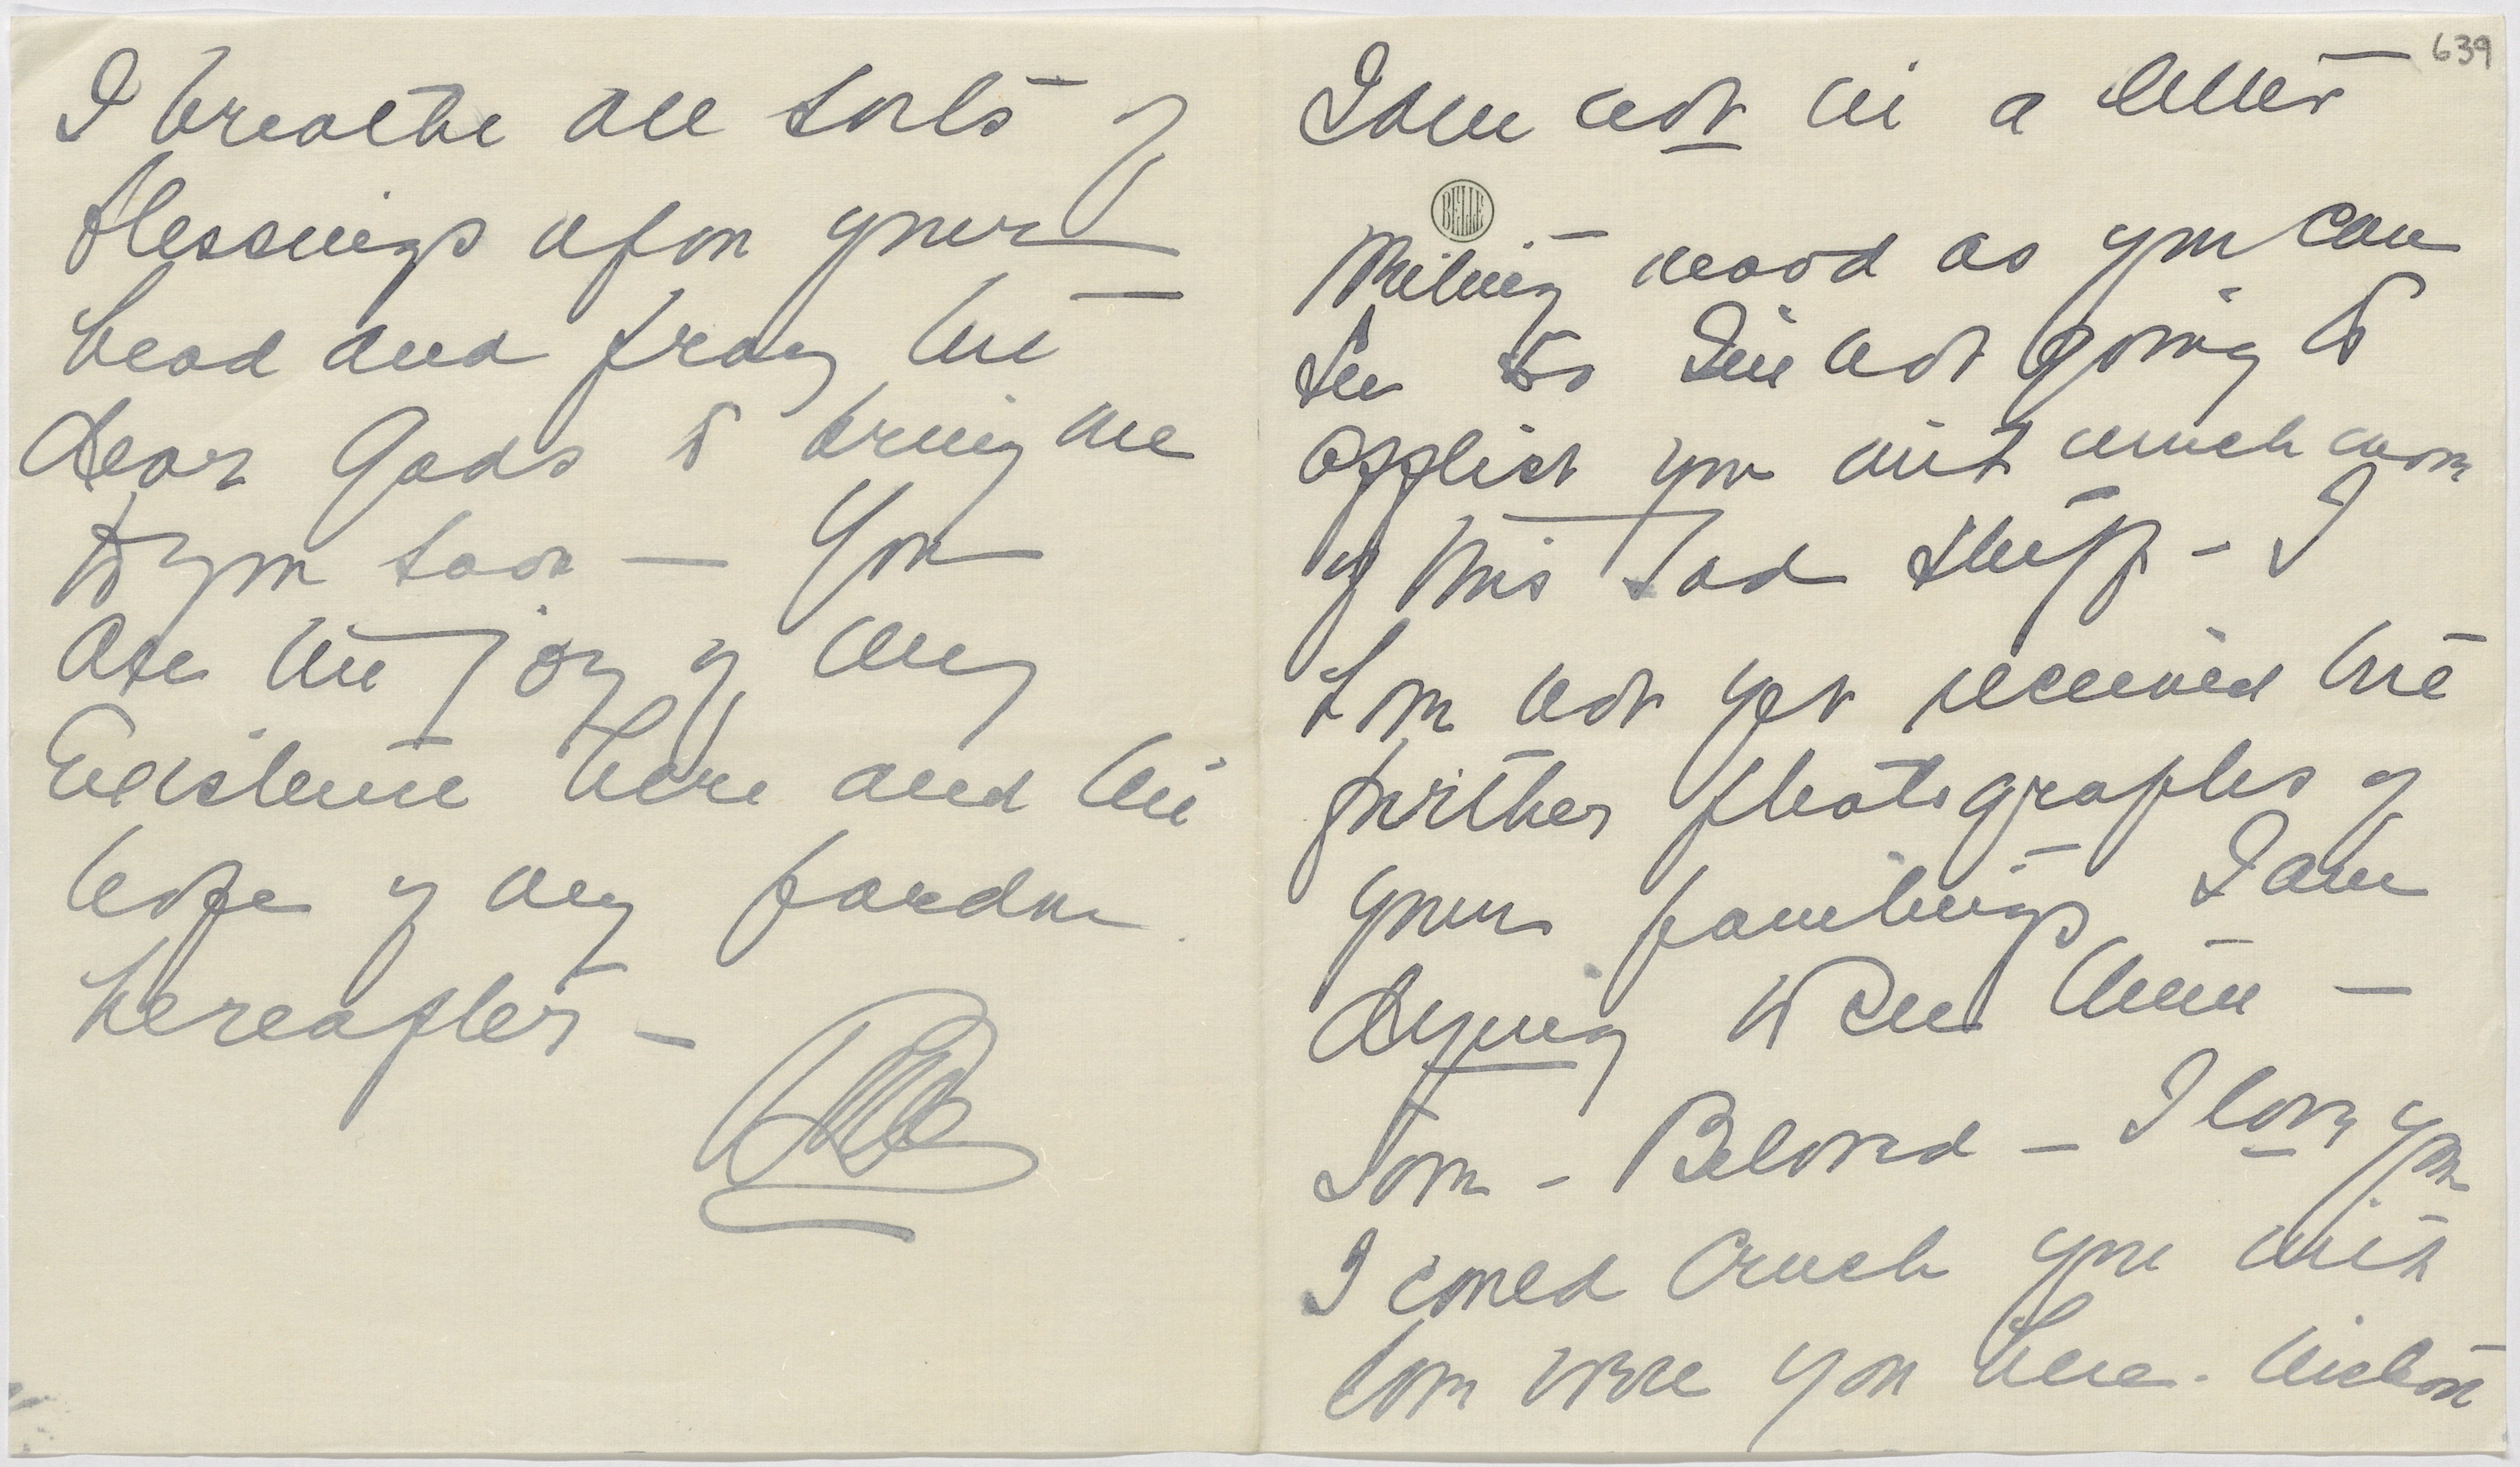I am not in a letter writing mood as you can see so I’m not going to afflict you with much more of this sad stuff – I have not yet received the further photographs of your paintings I am dying to see them –
Love – Beloved – I love you I could crush you with love were you here. instead
I breathe all sorts of blessings upon your head and pray the dear Gods to bring me to you soon – You are the joy of my Existence here and I’ll hope of my pardon hereafter – [double underlined: Belle]